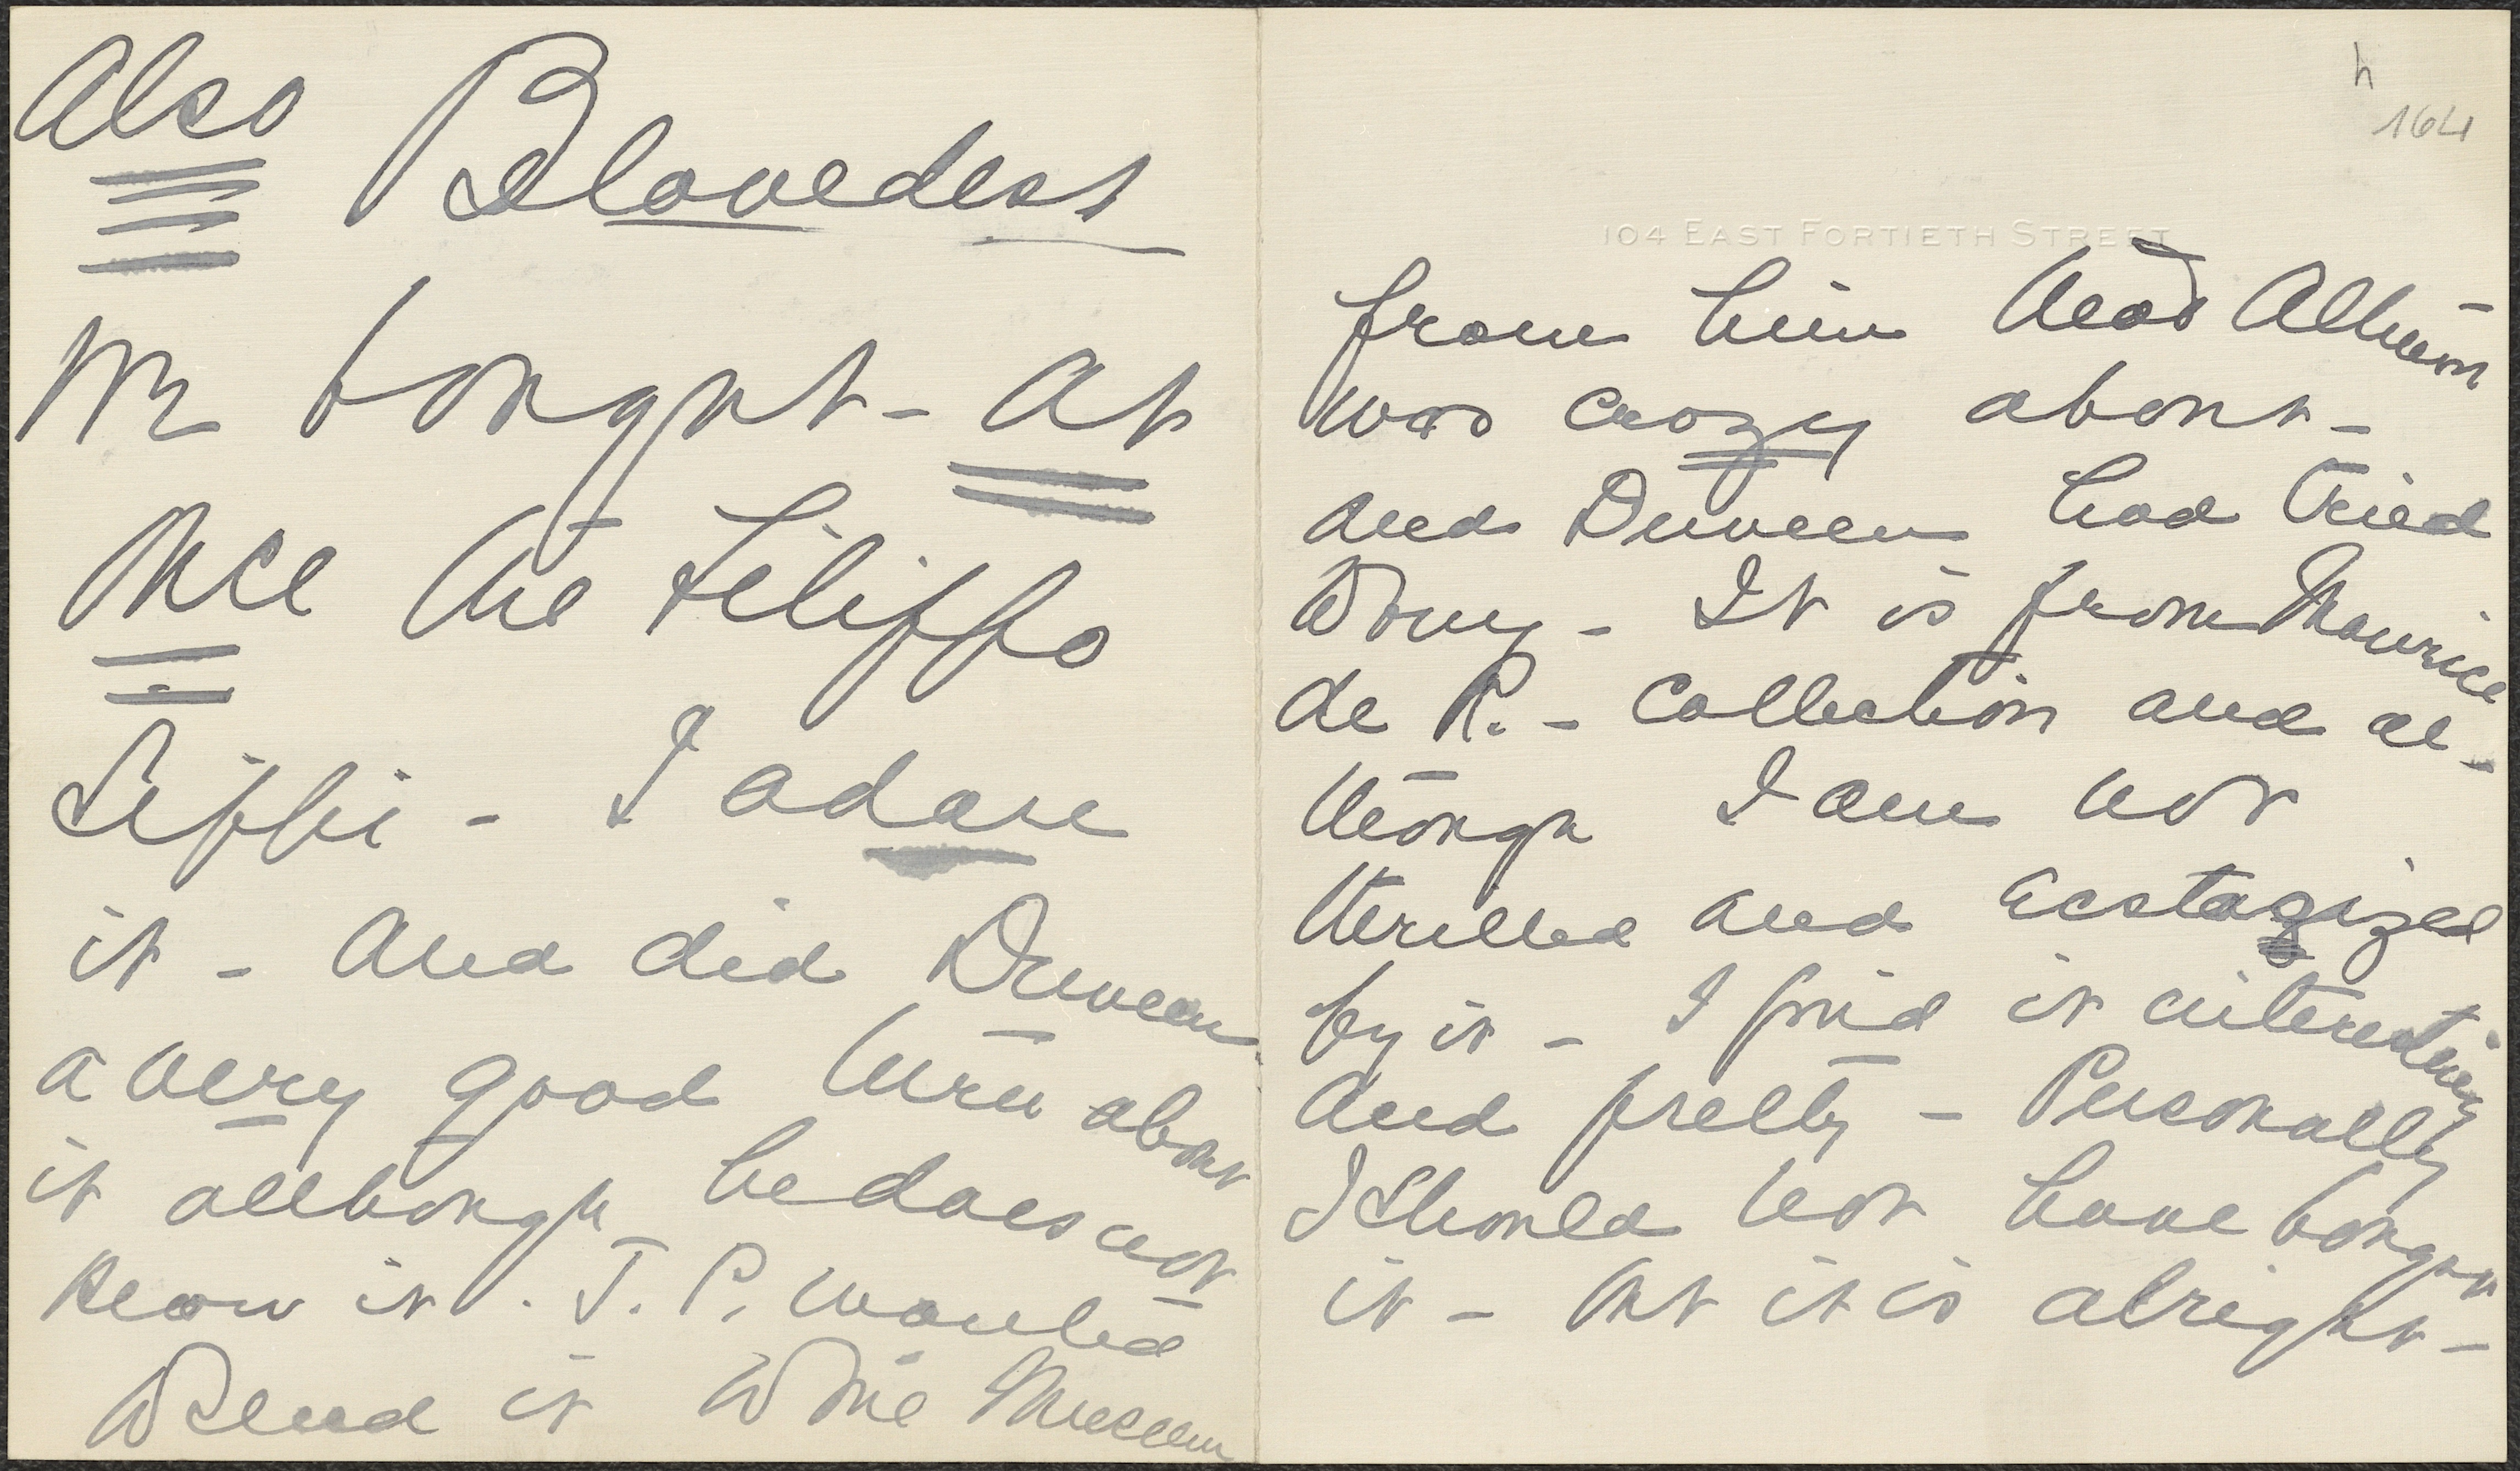from him that Altman was [double underlined: crazy] about – and Duveen had tried to buy – It is from Maurice de R. – collection and although I am not thrilled and ecstasized by it – I find it interesting and pretty – Personally I should not have bought it – but it is alright –
[quadruple underlined: Also] Belovedest we bought – [double underlined: at once] the Filippo Lippi – I adore it – and did Duveen a very good turn about it although he does not know it J. P. wanted to send it to the Museum